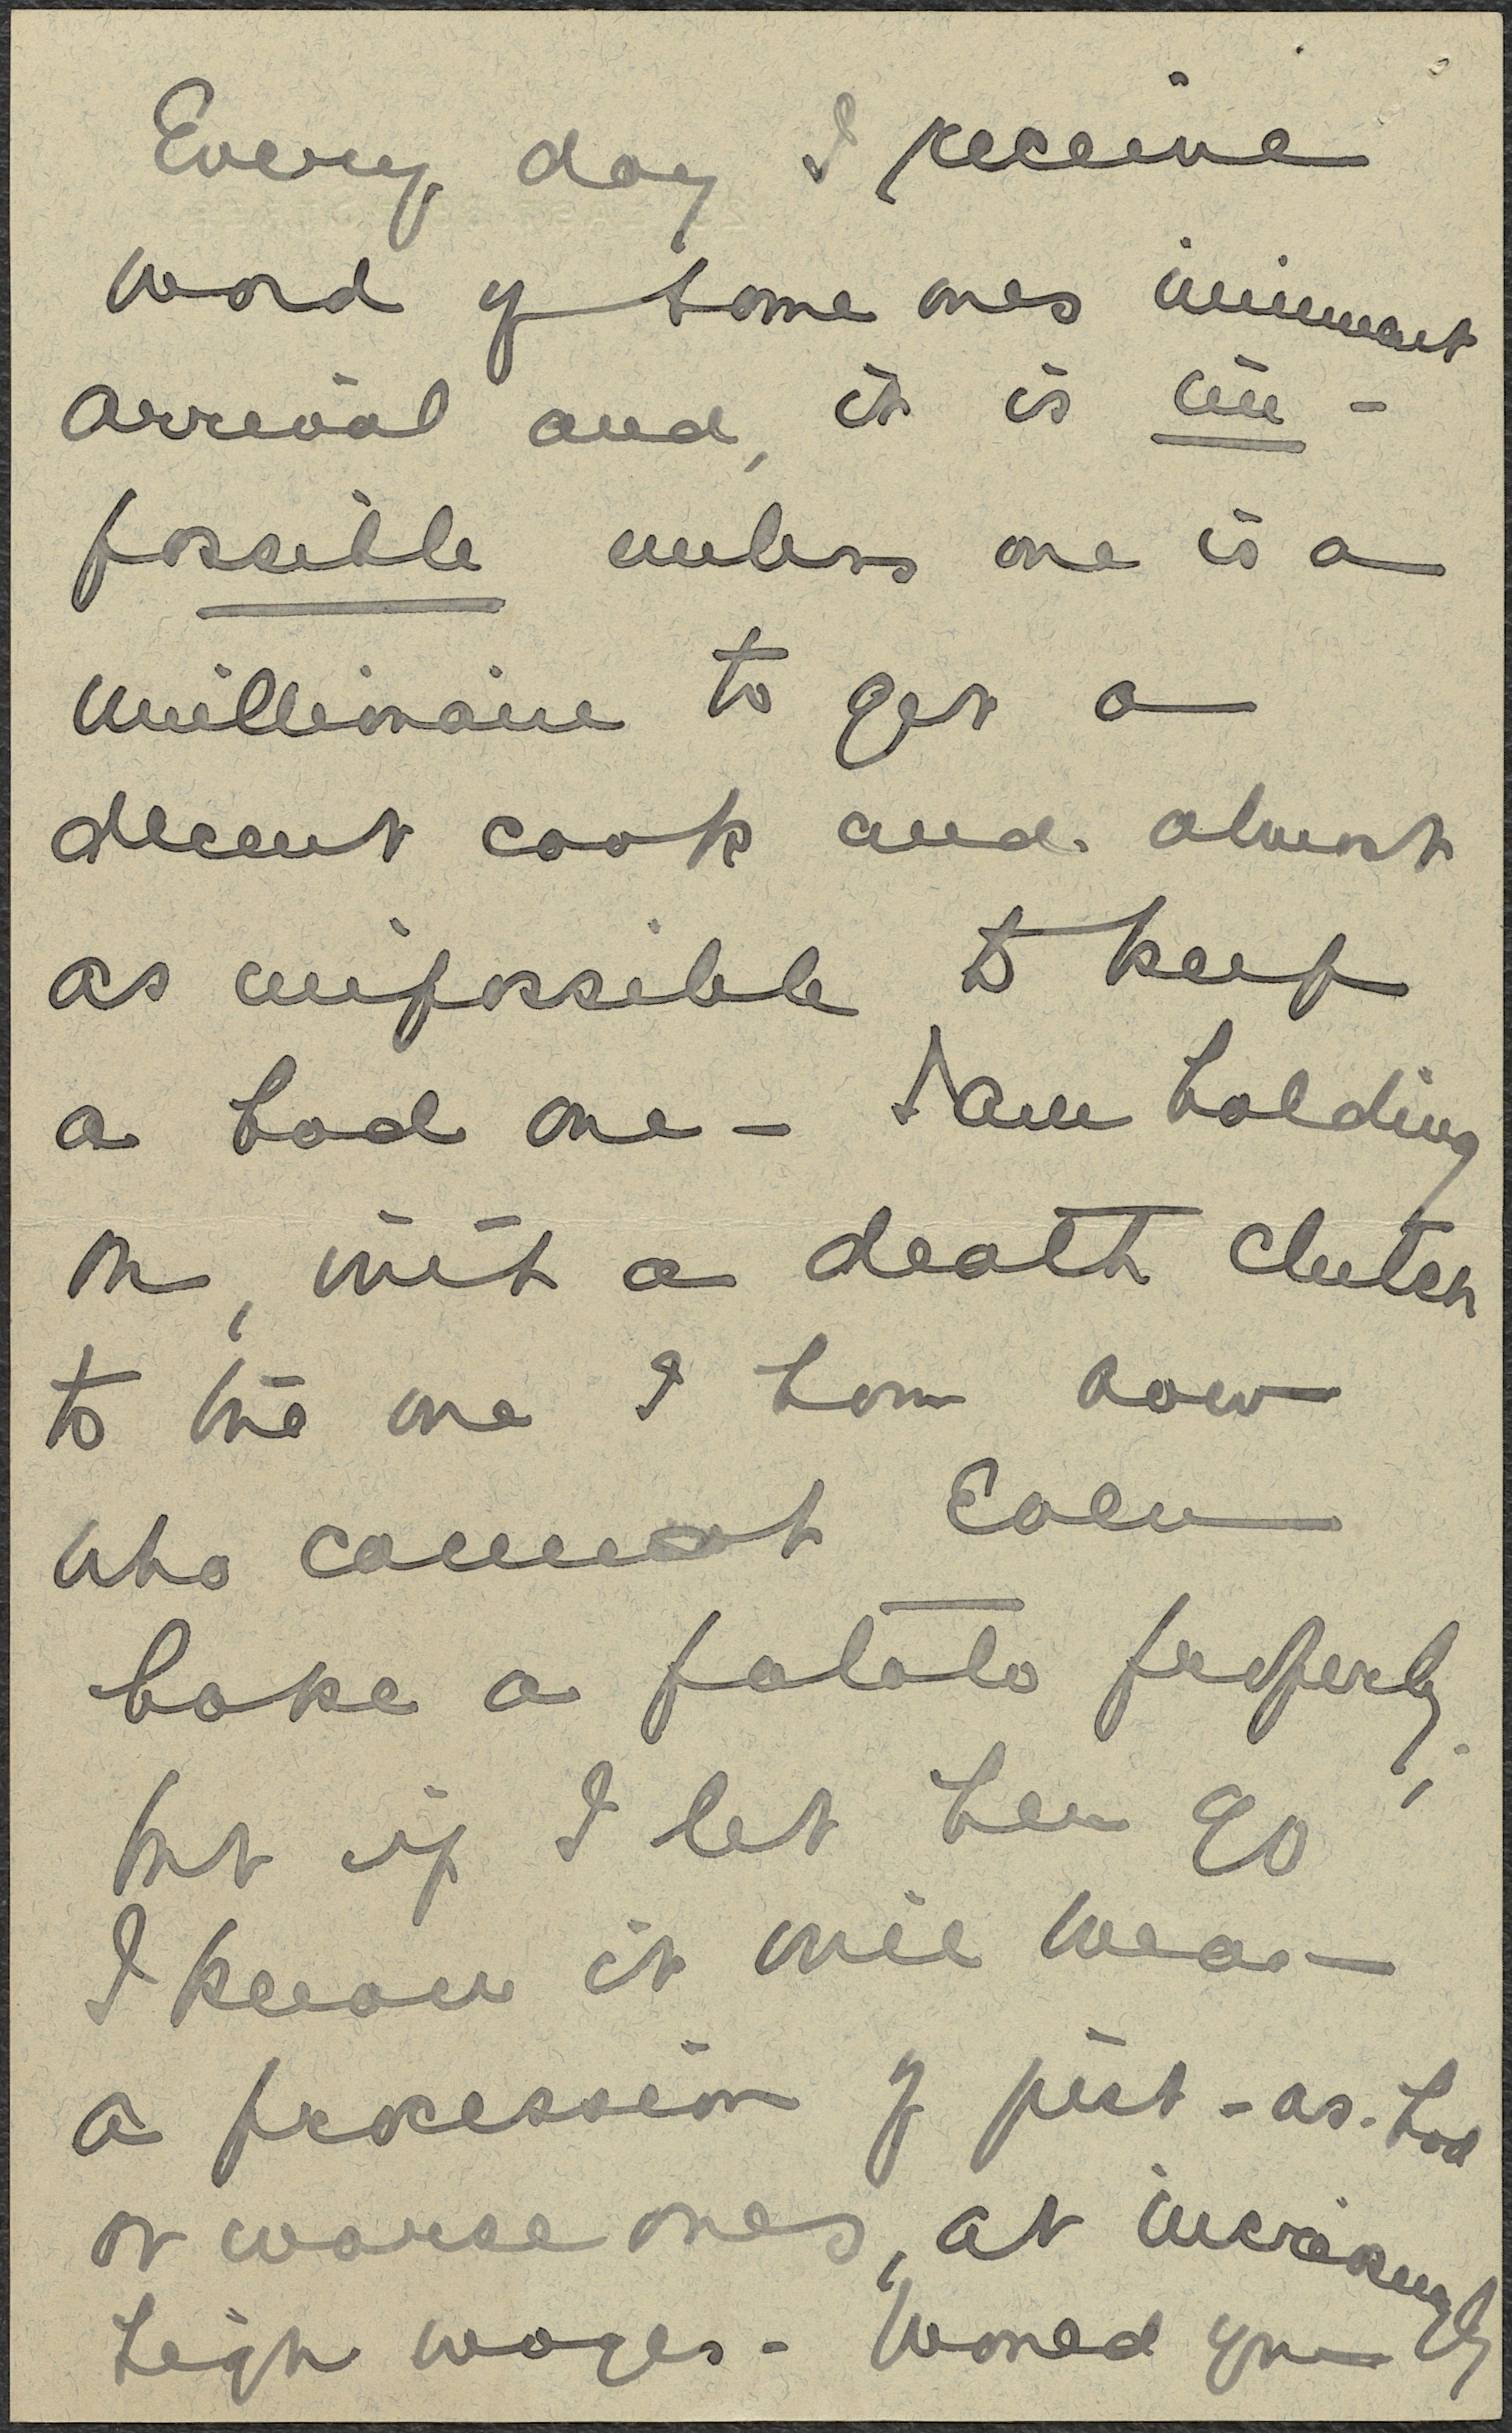Every day I receive word of some ones imminent arrival and, it is impossible unless one is a millionaire to get a decent cook and almost as impossible to keep a bad one – I am holding on, with a death clutch to the one I have now who cannot even bake a potato properly; but if I let her go I know it will mean – a procession of just-as-bad or worse ones, at increasingly high wages. Would you